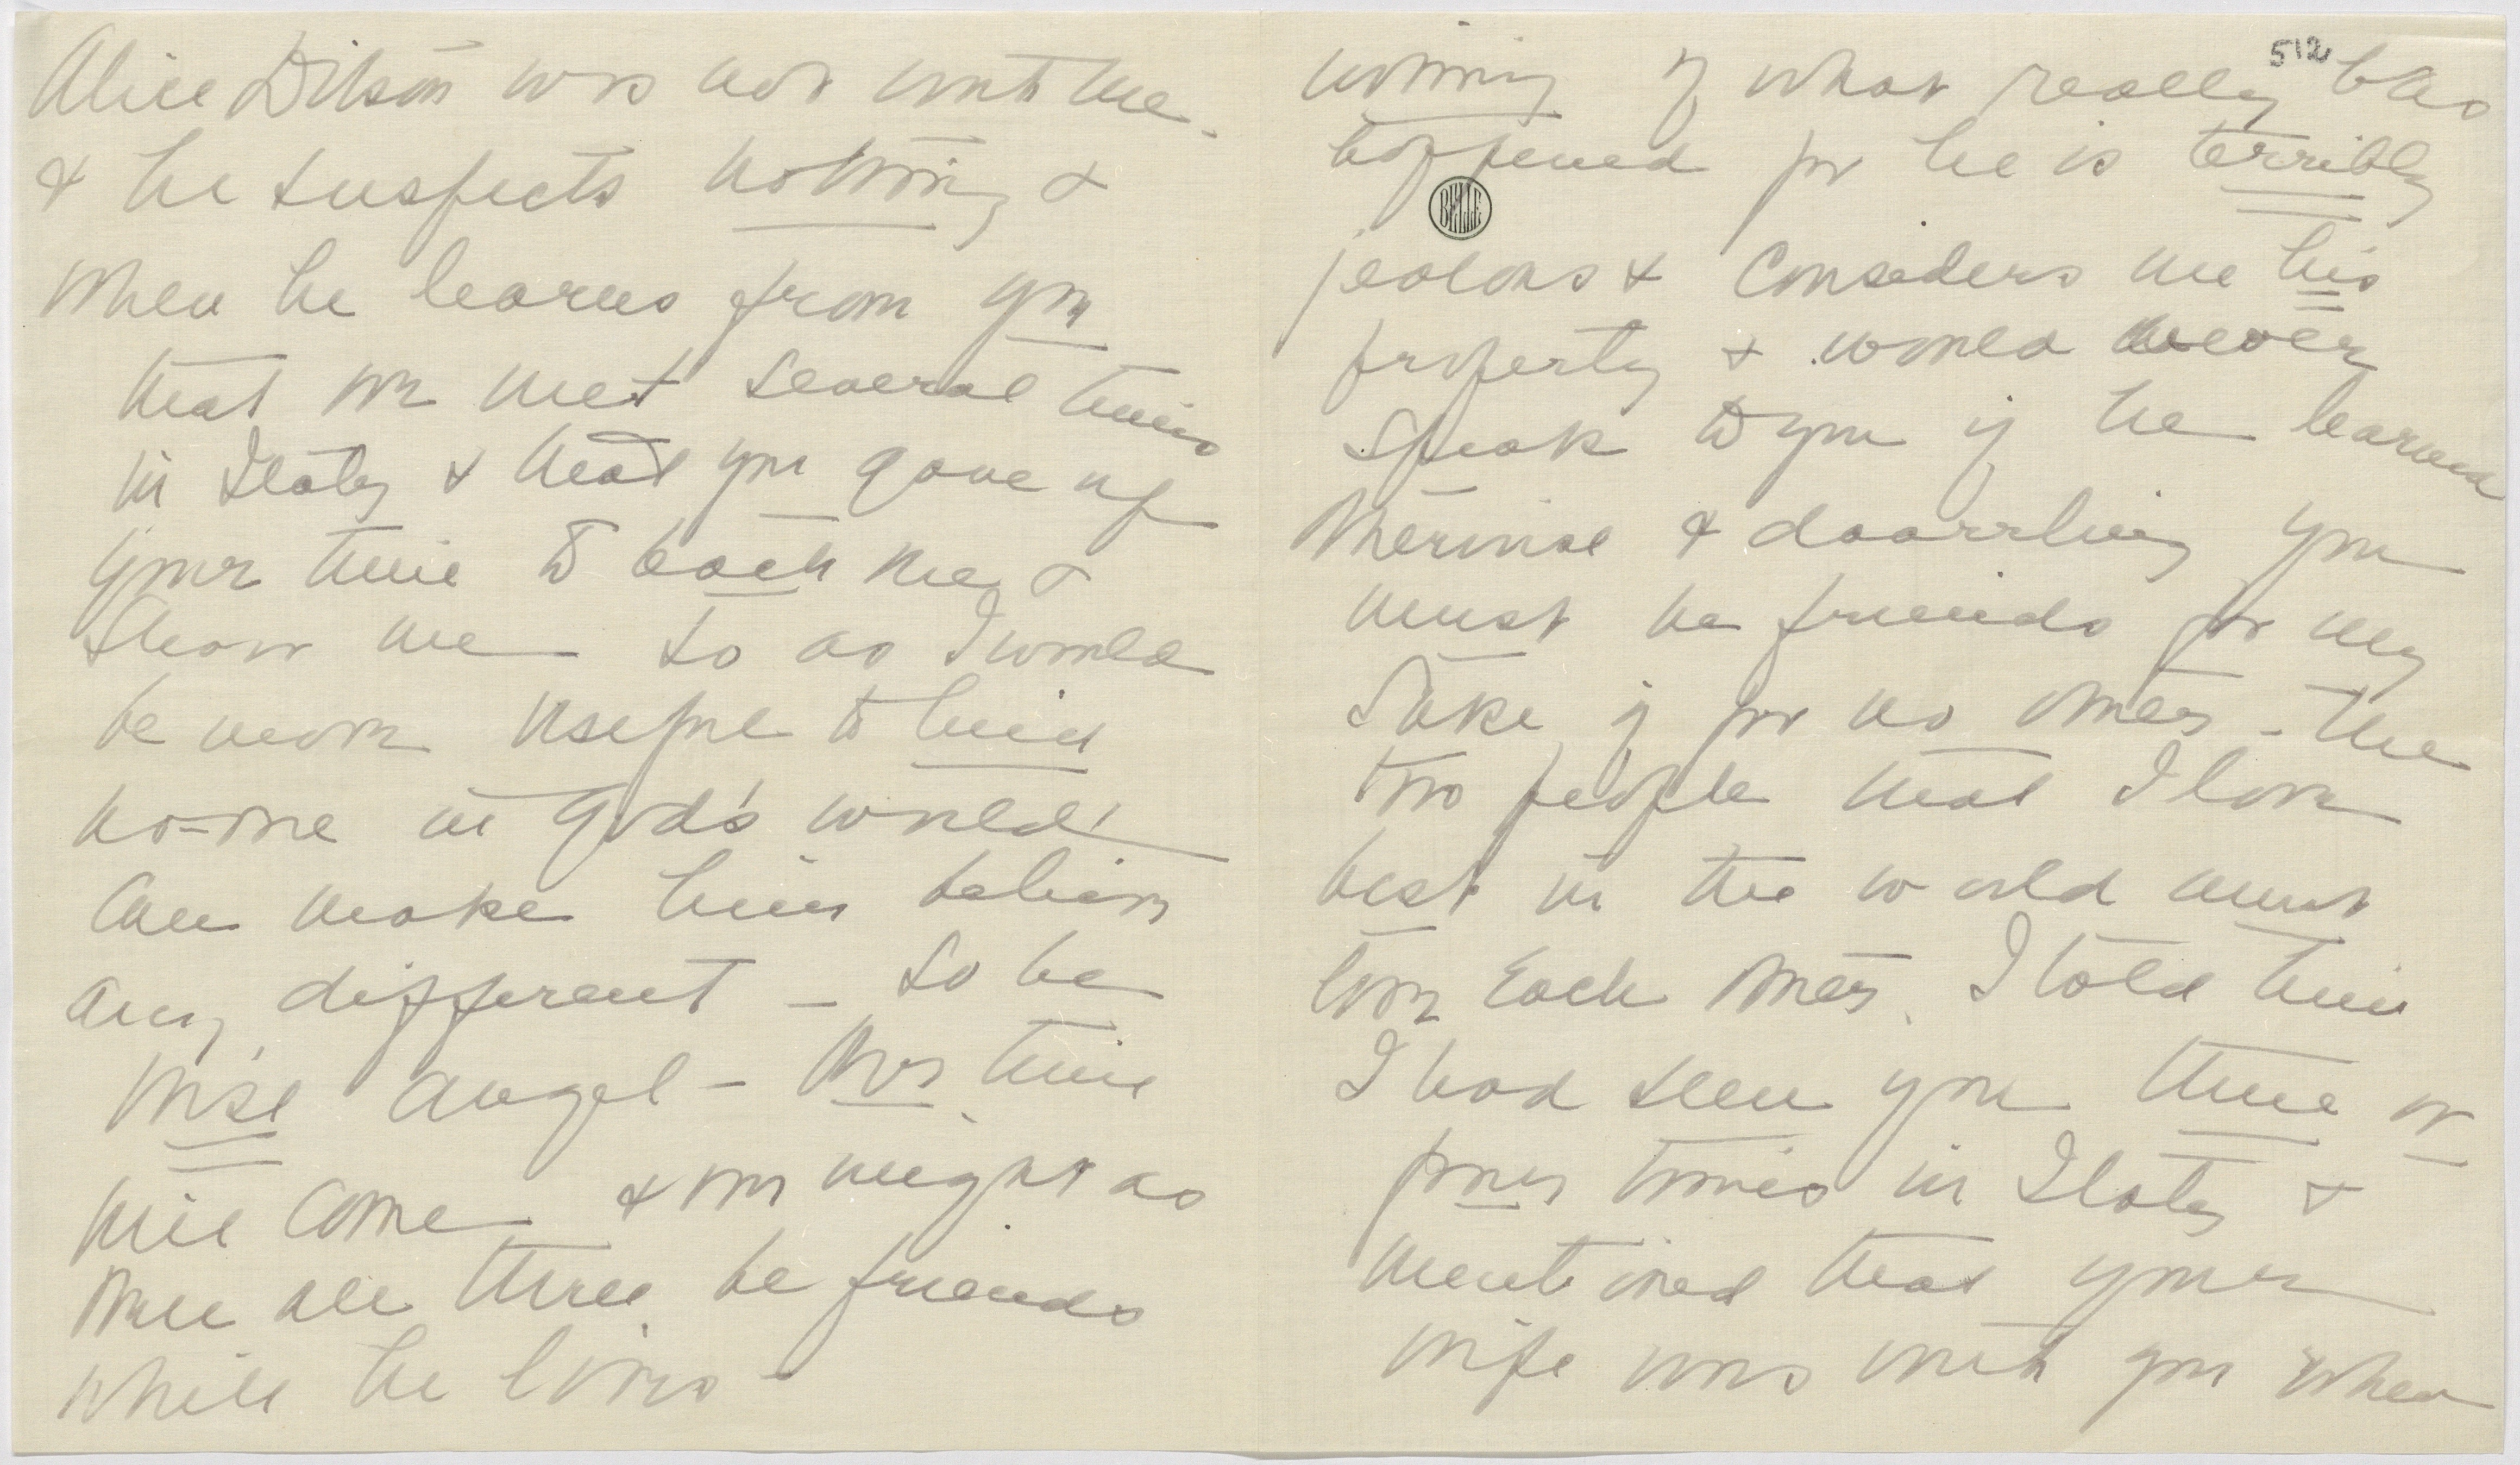nothing of what really has happened for he is [double underlined: terribly] jealous & considers me [double underlined: his] property & would never speak to you if he learned otherwise & daarrling you must be friends for my sake if for no other – The two people that I love best in the world must love each other. I told him I had seen you three or four times in italy & mentioned that your wife was with you when
Alice Ditson was not with me – & he suspects nothing & when he learns from you that we met several times in Italy & that you gave up your time to teach me & show me so as I would be more useful to him, no-one in God’s world can make him believe any different – so be [double underlined: wise] angel – Our time will come & we might as well all three be friends while he lives –